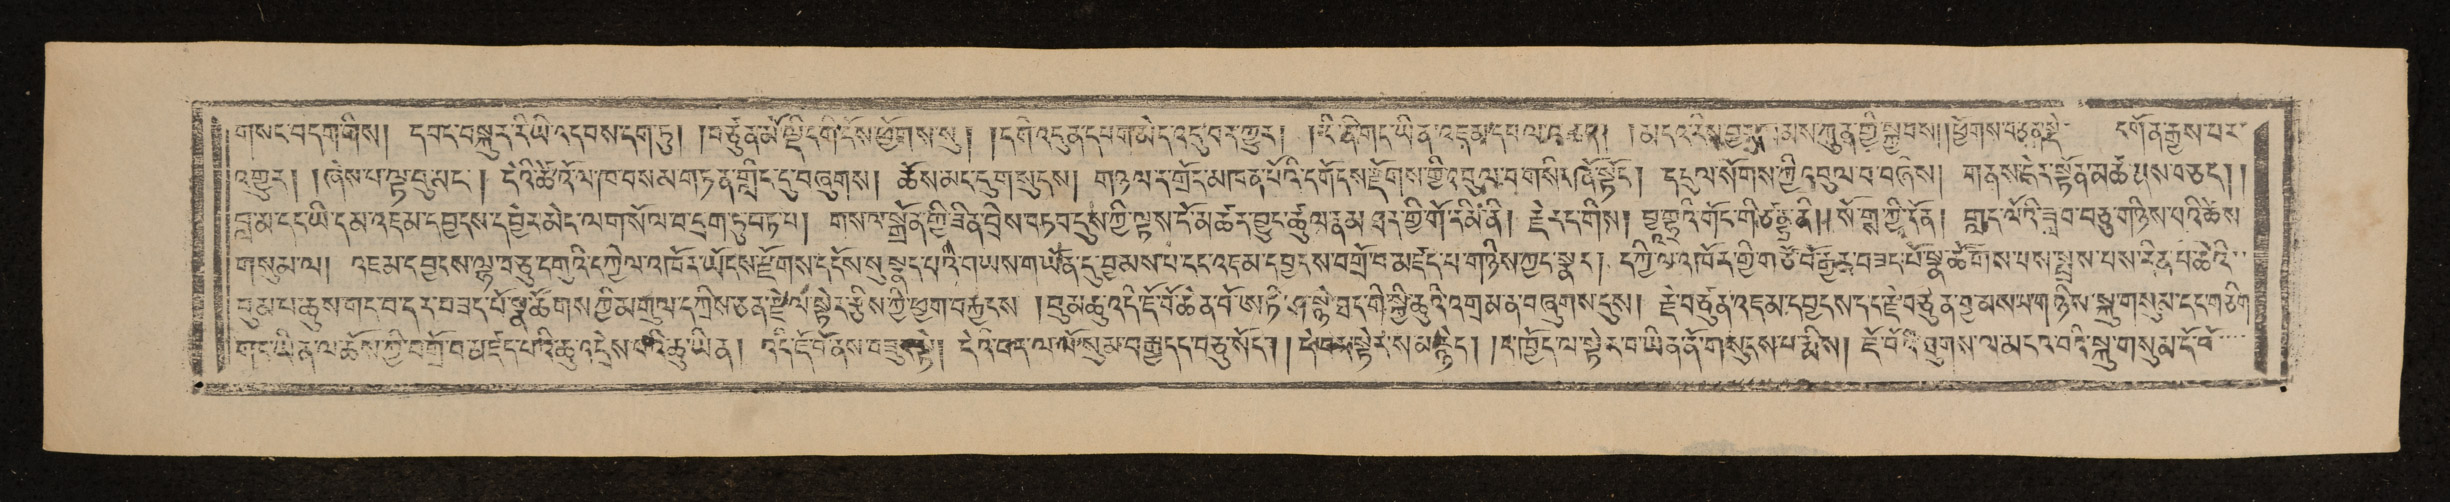གསང་བདག་གིས། དབང་བསྐུར་རི་ཡི་འདབས་དག་ཏུ། །བཙུན་མོ་ལྡིང་གི་ངོས་ཕྱོགས་སུ། །དགེ་འདུན་དཔག་མེད་འདུ་བར་གྱུར། །རི་ནི་གང་ཡིན་འཇམ་དཔལ་འཆད། །མངའ་རིས་བྱང་ཁམས་ཀུན་གྱི་སྐྱབས། །ཕྱོགས་བཅུར་སྡེ་དགོན་རྒྱས་པར་
འགྱུར། །ཞེས་པ་ལྟ་བུ་མང་། དེའི་ཚེ་འོལ་ཁ་བསམ་གཏན་གླིང་དུ་བཞུགས། ཆོས་མང་དུ་གསུངས། གཉལ་ར་གྲོང་མཁན་པོའི་དགོངས་རྫོགས་ཀྱི་འབུལ་བ་གསེར་ཞོ་སྟོང་། དངུལ་སོགས་ཀྱི་འབུལ་བ་བཞེས། གནས་དེར་སྟོན་མཚམས་བཅད།
བླ་མ་དང་ཡི་དམ་འཇམ་དབྱངས་དབྱེར་མེད་ལ་གསོལ་བ་དྲག་ཏུ་བཏབ། གསལ་སྒྲོན་གྱི་ཟིན་བྲིས་བཏབ་དུས་ཀྱི་ལྟས་ངོ་མཚར་བྱུང་ཚུལ་རྣམ་ཐར་གྱི་གོ་རིམ་ནི། རྗེ་རང་གིས། བྱཱ་གྷྲའི་གོང་གི་ཙནྟྲ་ནི། སོགས་ཀྱི་དོན། གླང་ལོའི་ཟླ་བ་བཅུ་གཉིས་པའི་ཚེས་
གསུམ་ལ། འཇམ་དབྱངས་ལྷ་བཅུ་དགུའི་དཀྱིལ་འཁོར་ཡོངས་རྫོགས་དངོས་སུ་སྣང་བའི་གཡས་གཡོན་དུ་བྱམས་པ་དང་འཇམ་དབྱངས་བགྲོ་བ་མཛད་པ་གཉིས་ཀྱང་སྣང་། དཀྱིལ་འཁོར་གྱི་གཙོ་བོ་རྒྱན་བཟང་པོ་སྣ་ཚོགས་པས་སྤྲས་པས་རིན་པོ་ཆེའི་
བུམ་པ་ཆུས་གང་བ་དར་བཟང་པོ་སྣ་ཚོགས་ཀྱི་མགུལ་དཀྲིས་ཅན་རྗེ་ལ་སྟེར་རྩིས་ཀྱི་ཕྱག་བརྐྱངས། བུམ་ཆུ་འདི་ཇོ་བོ་ཆེན་པོ་ཨ་ཏི་ཤ་སྙེ་ཐང་གི་སྐྱི་ཆུའི་འགྲམ་ན་བཞུགས་དུས། རྗེ་བཙུན་འཇམ་དབྱངས་དང་རྗེ་བཙུན་བྱམས་པ་གཉིས་སྐུ་གསུམ་དང་གཅིག་
གང་ཡིན་ལ་ཆོས་ཀྱི་བགྲོ་བ་མཛད་པའི་ཆུ་འདྲེས་པའི་ཆུ་ཡིན། འདི་ཇོ་བོ་ནས་བཟུང་སྟེ། དེའི་བར་ལ་ལོ་སུམ་བརྒྱ་དང་བཅུ་སོང་། དེ་བར་སྟེར་སམ་རྙེད། ད་ཁྱོད་ལ་སྟེར་བ་ཡིན་ནོ་གསུངས་པ་རྨིས། ཇོ་བོའི་ཐུགས་ལ་མངའ་བའི་སྐུ་གསུམ་ངོ་བོ་